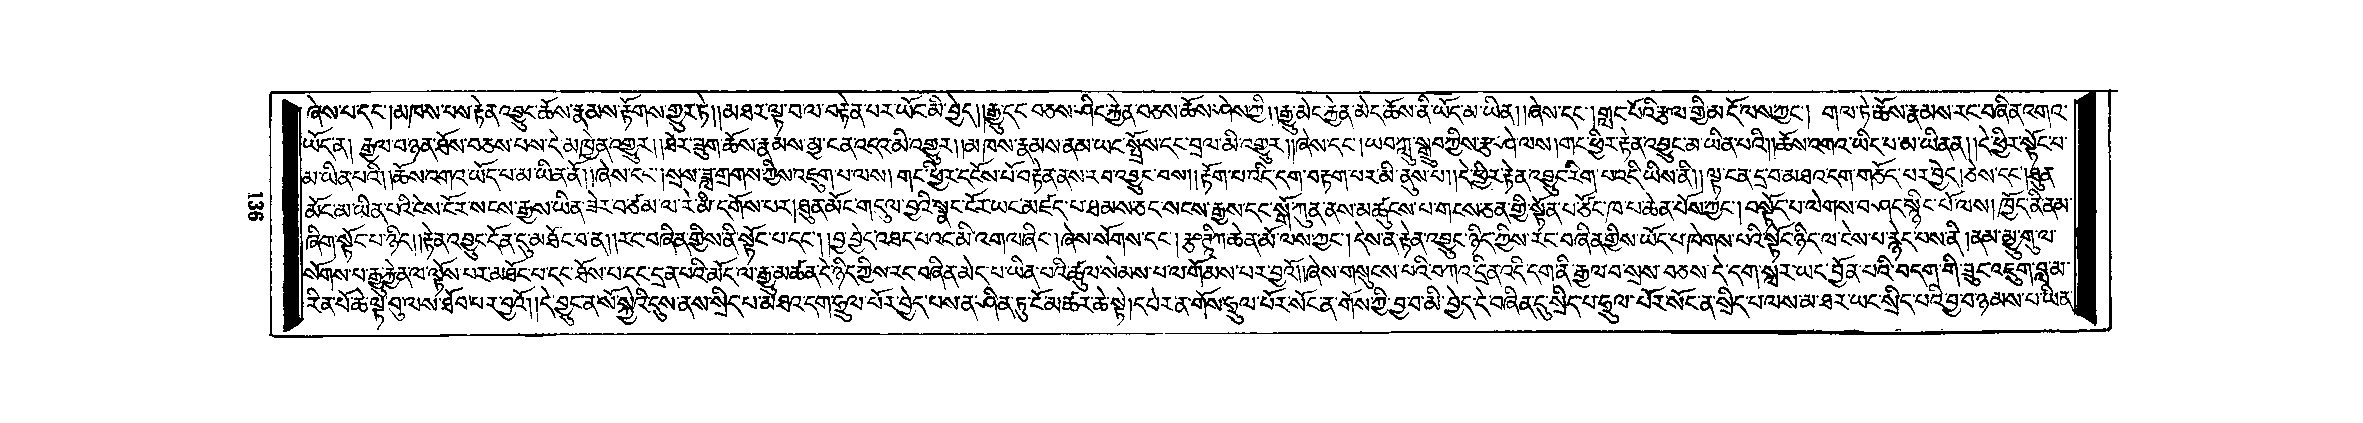ཞེས་པ་དང་། མཁས་པས་རྟེན་འབྱུང་ཆོས་རྣམས་རྟོགས་གྱུར་ཏེ། །མཐར་ལྟ་བ་ལ་བརྟེན་པར་ཡོང་མི་བྱེད། །རྒྱུ་དང་བཅས་ཤིང་རྐྱེན་བཅས་ཆོས་ཤེས་ཀྱི། །རྒྱུ་མེད་རྐྱེན་མེད་ཆོས་ནི་ཡོད་མ་ཡིན། །ཞེས་དང་། གླང་པོའི་རྩལ་གྱི་མདོ་ལས་ཀྱང་། གལ་ཏེ་ཆོས་རྣམས་རང་བཞིན་འགའ་
ཡོད་ན། རྒྱལ་བ་ཉན་ཐོས་བཅས་པས་དེ་མཁྱེན་འགྱུར། །ཐེར་ཟུག་ཆོས་རྣམས་མྱ་ངན་འདའ་མི་འགྱུར། །མཁས་རྣམས་ནམ་ཡང་སྤྲོས་དང་བྲལ་མི་འགྱུར། །ཞེས་དང་། ཡབ་ཀླུ་སྒྲུབ་ཀྱིས་རྩ་ཤེ་ལས། གང་ཕྱིར་རྟེན་འབྱུང་མ་ཡིན་པའི། །ཆོས་འགའ་ཡིད་པ་མ་ཡིན་ན། །དེ་ཕྱིར་སྟོང་པ་
མ་ཡིན་པའི། །ཆོས་འགའ་ཡོད་པ་མ་ཡིན་ནོ། །ཞེས་དང་། སྲས་ཟླ་གྲགས་ཀྱིས་འཇུག་པ་ལས། གང་ཕྱིར་དངོས་པོ་བརྟེན་ནས་རབ་འབྱུང་བས། །རྟོག་པ་འདི་དག་བརྟག་པར་མི་ནུས་པ། །དེ་ཕྱིར་རྟེན་འབྱུང་རིག་པ་འདི་ཡིས་ནི། །ལྟ་ངན་དྲ་བ་མཐའ་དག་གཅོད་པར་བྱེད། ཅེས་དང་། ཐུན་
མོང་མ་ཡིན་པའི་ངེས་ངོར་སངས་རྒྱས་ཡིན་ཟེར་བ་ཙམ་ལ་རེ་མི་དགོས་པར། ཐུན་མོང་གདུལ་བྱའི་སྣང་ངོར་ཡང་མཛད་པ་ཐམས་ཅད་སངས་རྒྱས་དང་སྒོ་ཀུན་ནས་མཚུངས་པ་གངས་ཅན་གྱི་སྟོན་པ་ཙོང་ཁ་པ་ཆེན་པོས་ཀྱང་། བསྟོད་པ་ལེགས་བཤད་སྙིང་པོ་ལས། ཁྱོད་ནི་ནམ་
ཞིག་སྟོང་པ་ཉིད། །རྟེན་འབྱུང་དོན་དུ་མཐོང་བ་ན། །རང་བཞིན་གྱིས་ནི་སྟོང་པ་དང་། །བྱ་བྱེད་འཐད་པའང་མི་འགལ་ཞིང་། ཞེས་སོགས་དང་། རྩ་ཊཱིཀ་ཆེན་མོ་ལས་ཀྱང་། དེས་ན་རྟེན་འབྱུང་ཉིད་ཀྱིས་རང་བཞིན་གྱིས་ཡོད་པ་ཁེགས་པའི་སྟོང་ཉིད་ལ་ངེས་པ་རྙེད་པས་ནི། ནམ་མྱུ་གུ་ལ་
སོགས་པ་རྒྱུ་རྐྱེན་ལ་ལྟོས་པར་མཐོང་པ་དང་ཐོས་པ་དང་དྲན་པའི་མོད་ལ་རྒྱུ་མཚན་དེ་ཉིད་ཀྱིས་རང་བཞིན་མེད་པ་ཡིན་པའི་ཚུལ་སེམས་པ་ལ་གོམས་པར་བྱའོ། །ཞེས་གསུངས་པའི་བཀའ་དྲིན་འདི་དག་ནི་རྒྱལ་བ་སྲས་བཅས་དེ་དག་སླར་ཡང་བྱོན་པའི་བདག་གི་ཟུང་འཇུག་བླ་མ་
རིན་པོ་ཆེ་ལྟ་བུ་ལས་ཐོབ་པར་བྱའོ། །དེ་བྱུང་ན་སོ་སྐྱེའི་དུས་ནས་སྲིད་པ་མཐའ་དག་ཧྲུལ་པོར་བྱེད་པས་ན་ཤིན་ཏུ་ངོ་མཚར་ཆེ་སྟེ། དཔེར་ན་གོས་ཧྲུལ་པོར་སོང་ན་གོས་ཀྱི་བྱ་བ་མི་བྱེད་དེ་བཞིན་དུ་སྲིད་པ་ཧྲུལ་པོར་སོང་ན་སྲིད་པ་ལས་མ་ཐར་ཡང་སྲིད་པའི་བྱ་བ་ཉམས་པ་ཡིན་